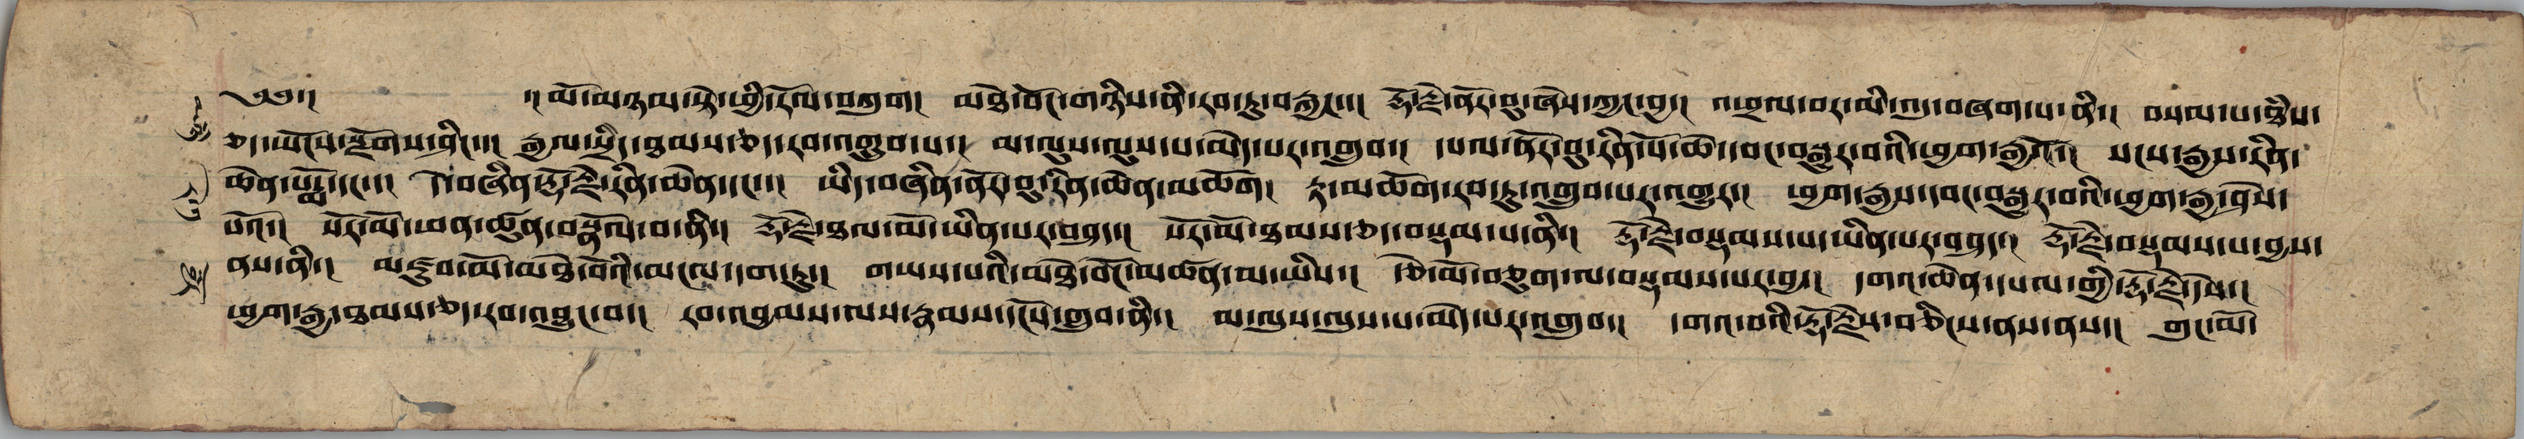༄༅་། ་།མོ་མཉམ་སྟེ་ཕྱི་རོལ་བཀུག། མཐེ་བོང་གཉིས་ནི་རབ་ཏུ་བརྐྱང་་། རྡོ་རྗེ་ནོར་བུ་ཞེས་ཀྱང་བྱ་། འཕྲལ་བར་མི་འདུ་བཞག་པ་ནི་། བསམ་པ་ཐཾས་
ཅད་ཡོངས་སྫོགས་ཤིང་་། རྒྱལ་སྲིད་ཐམས་ཅད་རབ་འགྲུབ་པ་། མ་ལུས་ལུས་པ་མེད་པར་འགྲུབ་། དཔལ་ནོར་བུ་རིན་པོ་ཆེ་དབང་བསྒྱུར་བའི་ཕྱག་རྒྱའོ་། སངས་རྒྱས་རིན་
ཆེན་པདྨོ་དང་་། དེ་བཞིན་རྡོ་རྗེ་རིན་ཆེན་དང་་། ཡིད་བཞིན་ནོར་བུ་རིན་ཆེན་མཆོག། རྟ་མཆོག་རབ་ཏུ་འགྲུབ་པར་འགྱུར་། ཕྱག་རྒྱས་དབང་བསྒྱུར་པའི་ཕྱག་རྒྱ་ཤེས་
པའོ་། སོར་མོ་ཕན་ཚུན་བསྣོལ་བ་ནི་། རྡོ་རྗེ་ཐལ་མོ་ཡིན་པར་བཤད་། སོར་མོ་ཐམས་ཅད་བསྡམ་པ་ནི་། རྡོ་རྗེ་བསྡམས་པ་ཡིན་པར་བཤད་། རྡོ་རྗེ་བསྡམས་པ་བྱས་
ནས་ནི་། མཛུབ་མོ་མཐེ་བོའི་མངལ་དག་ཏུ་། གཡས་པའི་མཐེ་བོང་མཚན་མ་ཡིས་། རྩེ་མོ་བཅུག་ལ་བསྡམས་པར་བྱ་། དགའ་ཆེན་དཔལ་གྱི་རྡོ་རྗེ་དེས་།
ཕྱག་རྒྱ་ཐམས་ཅད་རབ་འབྱུང་བ་། རབ་འབྱམས་ལས་རྣམས་དངོས་གྲུབ་ནི་། མ་ལུས་ལུས་པ་མེད་པར་འགྲུབ་། དགའ་བའི་རྡོ་རྗེས་བཅིངས་ནས་ནས་། གུང་མོ་